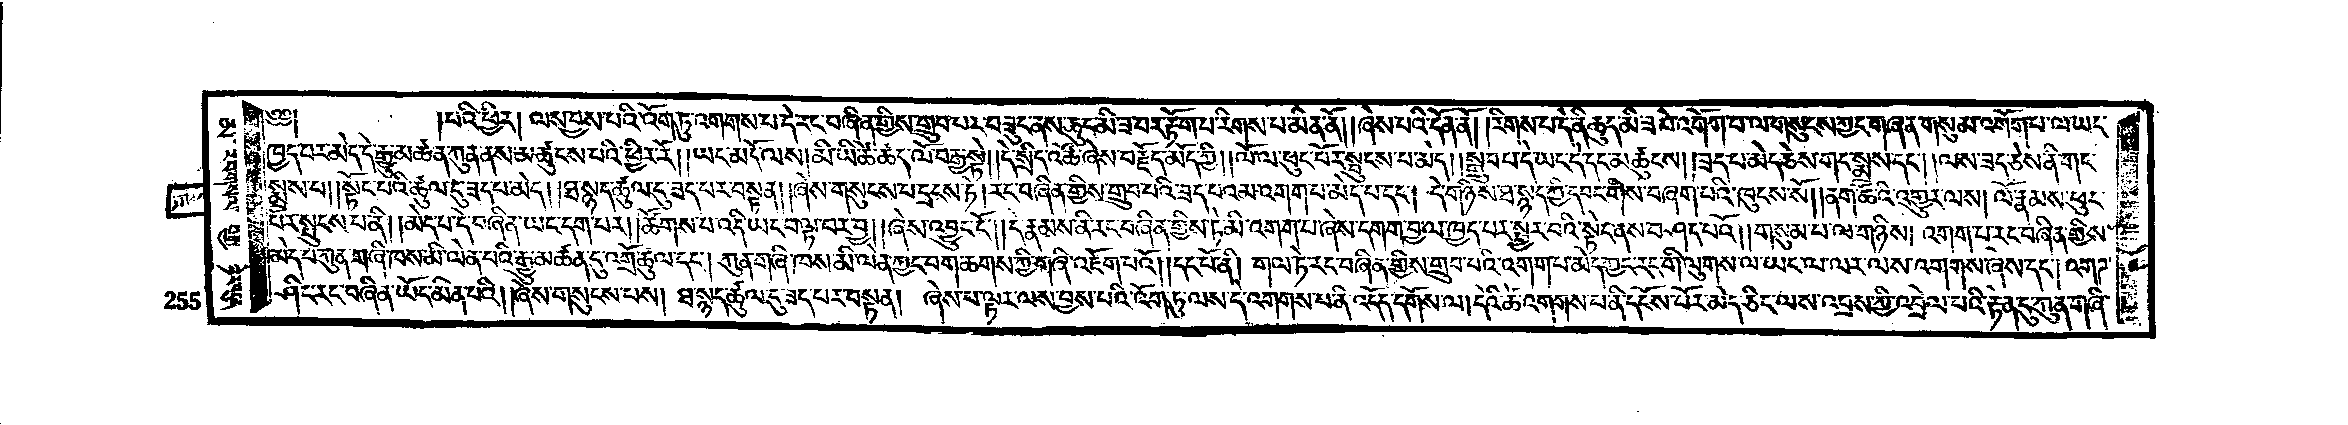༄༅། །པའི་ཕྱིར། ལས་བྱས་པའི་འོག་ཏུ་འགགས་པ་དེ་རང་བཞིན་གྱིས་གྲུབ་པར་བཟུང་ནས་ཆུད་མི་ཟ་བར་རྟོག་པ་རིགས་པ་མིན་ནོ། །ཞེས་པའི་དོན་ནོ། །རིགས་པ་དེ་ནི་ཆུད་མི་ཟ་བ་འགོག་པ་ལ་གསུངས་ཀྱང་གཞན་གསུམ་འགོག་པ་ལ་ཡང་
ཁྱད་པར་མེད་དེ་རྒྱུ་མཚན་ཀུན་ནས་མཚུངས་པའི་ཕྱིར་རོ། །ཡང་མདོ་ལས། མི་ཡི་ཚེ་ཚད་ལོ་བརྒྱ་སྟེ། །དེ་སྲིད་འཚོ་ཞེས་བརྗོད་མོད་ཀྱི། །ལོ་ལ་ཕུང་པོར་སྤུངས་པ་མེད། །སྒྲུབ་པ་དེ་ཡང་དེ་དང་མཚུངས། །ཟད་པ་མེད་ཅེས་གང་སྨྲས་དང་། །ལས་ཟད་ཅེས་ནི་གང་
སྨྲས་པ། །སྟོང་པའི་ཚུལ་དུ་ཟད་པ་མེད། །ཐ་སྙད་ཚུལ་དུ་ཟད་པར་བསྟན། །ཞེས་གསུངས་པ་དྲངས་ཏེ། རང་བཞིན་གྱིས་གྲུབ་པའི་ཟད་པའམ་འགག་པ་མེད་པ་དང་། དེ་གཉིས་ཐ་སྙད་ཀྱི་དབང་གིས་བཞག་པའི་ཁུངས་སོ། །ནག་ཚོའི་འགྱུར་ལས། ལོ་རྣམས་ཕུང་
པོར་སྤུངས་པ་ནི། །མེད་པ་དེ་བཞིན་ཡང་དག་པར། །ཚོགས་པ་འདི་ཡང་བལྟ་བར་བྱ། །ཞེས་འབྱུང་ངོ། །དེ་རྣམས་ནི་རང་བཞིན་གྱིས་ཏེ་མི་འགག་པ་ཞེས་དགག་བྱ་ལ་ཁྱད་པར་སྦྱར་བའི་སྟེང་ནས་བཤད་པའོ། །གསུམ་པ་ལ་གཉིས། འགག་པ་རང་བཞིན་གྱིས་
མེད་པ་ཀུན་གཞི་ཁས་མི་ལེན་པའི་རྒྱུ་མཚན་དུ་འགྲོ་ཚུལ་དང་། ཀུན་གཞི་ཁས་མི་ལེན་ཀྱང་བག་ཆགས་ཀྱི་གཞི་འཇོག་པའོ། །དང་པོ་ནི། གལ་ཏེ་རང་བཞིན་གྱིས་གྲུབ་པའི་འགག་པ་མེད་ཀྱང་རང་གི་ལུགས་ལ་ཡང་ལ་ལར་ལས་འགགས་ཞེས་དང་། འགགས་
ཤིང་རང་བཞིན་ཡོད་མིན་པའི། །ཞེས་གསུངས་པས། ཐ་སྙད་ཚུལ་དུ་ཟད་པར་བསྟན། ཞེས་པ་ལྟར་ལས་བྱས་པའི་འོག་ཏུ་ལས་དེ་འགགས་པ་ནི་འདོད་དགོས་ལ། དེའི་ཚེ་འགགས་པ་ནི་དངོས་པོར་མེད་ཅིང་ལས་འབྲས་ཀྱི་འབྲེལ་པའི་རྟེན་དུ་ཀུན་གཞི་